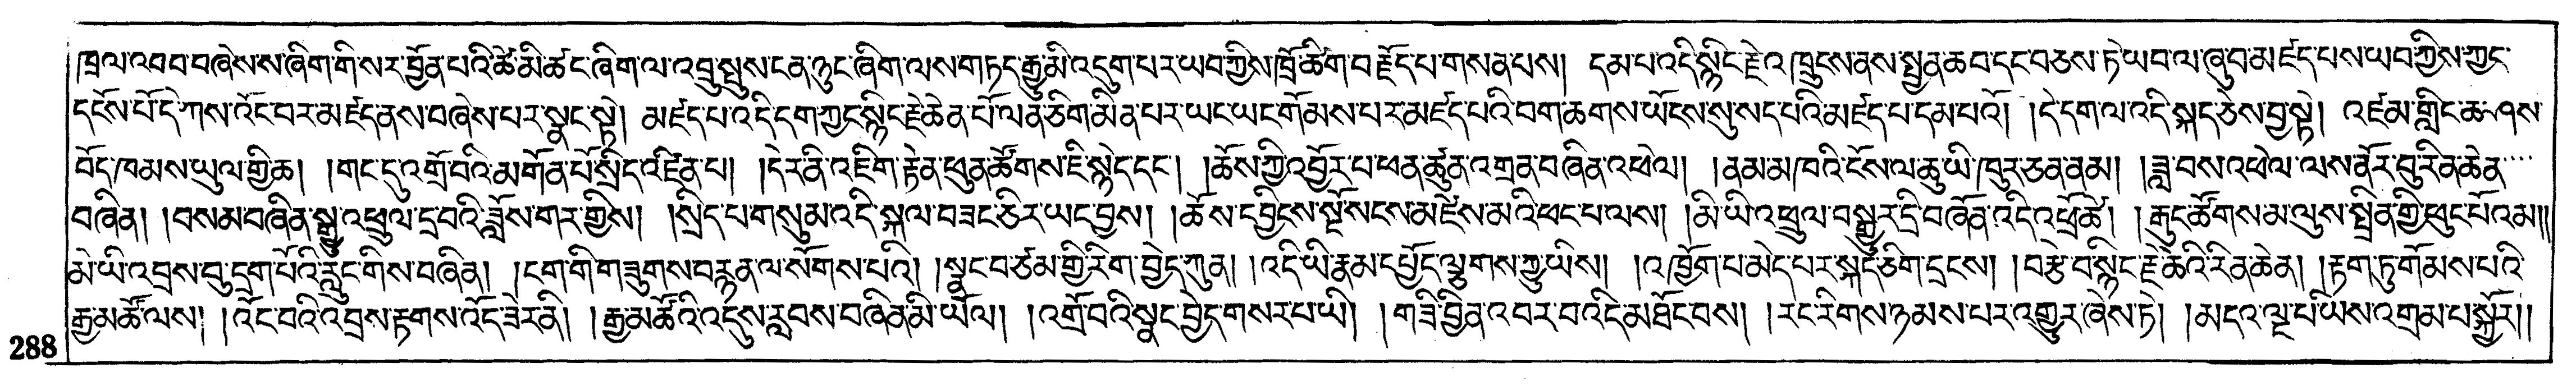ཁྲལ་འབབ་པ་ཞེས་ས་ཞིག་གི་སར་བྱོན་པའི་ཚེ་མི་ཚང་ཞིག་ལ་འབྲུ་སྤུས་ངན་ཉུང་ཞིག་ལས་གཏང་རྒྱུ་མི་འདུག་པར་ཡབ་ཀྱིས་ཁྲོ་ཚིག་བརྗོད་པ་གསན་པས། དམ་པ་འདི་སྙིང་རྗེ་འཁྲུངས་ནས་སྤྱན་ཆ་བ་དང་བཅས་ཏེ་ཡབ་ལ་ཞུ་བ་མཛད་པས་ཡབ་ཀྱིས་ཀྱང་
དངོས་པོ་དེ་ཀས་འོང་བར་མཛད་ནས་བཞེས་པར་སྣང་སྟེ། མཛད་པ་འདི་དག་ཀྱང་སྙིང་རྗེ་ཆེན་པོ་ལན་ཅིག་མིན་པར་ཡང་ཡང་གོམས་པར་མཛད་པའི་བག་ཆགས་ཡོངས་སུ་སད་པའི་མཛད་པ་དམ་པའོ། །དེ་དག་ལ་འདི་སྐད་ཅེས་བྱ་སྟེ། འཛམ་གླིང་ཆ་ཤས་
བོད་ཁམས་ཡུལ་གྱི་ཆ། །གང་དུ་འགྲོ་བའི་མགོན་པོ་སྲིད་འཛིན་པ། །དེར་ནི་འཇིག་རྟེན་ཕུན་ཚོགས་ཇི་སྙེད་དང་། །ཆོས་ཀྱི་འབྱོར་པ་ཕན་ཚུན་འགྲན་བཞིན་འཕེལ། །ནམ་མཁའི་ངོས་ལ་ཆུ་ཡི་ཁུར་ཅན་ནམ། །ཟླ་བས་འཕེལ་ལས་ནོར་བུ་རིན་ཆེན་
བཞིན། །བསམ་བཞིན་སྒྱུ་འཕྲུལ་དྲ་བའི་ཟློས་གར་གྱིས། །སྲིད་པ་གསུམ་འདི་སྐལ་བཟང་ཅིར་ཡང་བྱས། །ཆོས་དབྱིངས་སྔོ་སངས་མཛེས་མེའི་ཕང་པ་ལས། །མི་ཡི་འཕྲུལ་བསྒྱུར་དྲི་བཞོན་འདི་འཕྲོ་ཚེ། །རྒུད་ཚོགས་མ་ལུས་སྤྲིན་གྱི་ཕུང་པོའམ།
མེ་ཡི་འབྲས་བུ་དྲག་པོའི་རླུང་གིས་བཞིན། །ངག་གི་གཟུགས་བརྙན་ལ་སོགས་པའི། །སྣང་བ་ཙམ་གྱི་རིག་བྱེད་ཀུན། །འདི་ཡི་རྣམ་དཔྱོད་ལྕགས་ཀྱུ་ཡིས། །འཁྱོག་པ་མེད་པར་སྐད་ཅིག་དྲངས། །བརྩེ་བ་སྙིང་རྗེ་ཆེའི་རིན་ཆེན། །རྟག་ཏུ་གོམས་པའི་
རྒྱ་མཚོ་ལས། །འོང་བའི་འབྲས་རྟགས་འོད་ཟེར་ནི། །རྒྱ་མཚོའི་འདུས་རླབས་བཞིན་མི་ཡོལ། །འགྲོ་བའི་སྣང་བྱེད་གསར་པ་ཡི། །གཟི་བྱིན་འབར་བ་འདི་མཐོང་བས། །རང་རིགས་ཉམས་པར་འགྱུར་ཞེས་ཏེ། །མདའ་ལྔ་པ་ཡིས་འགྲམ་པ་སྐྱོར།།